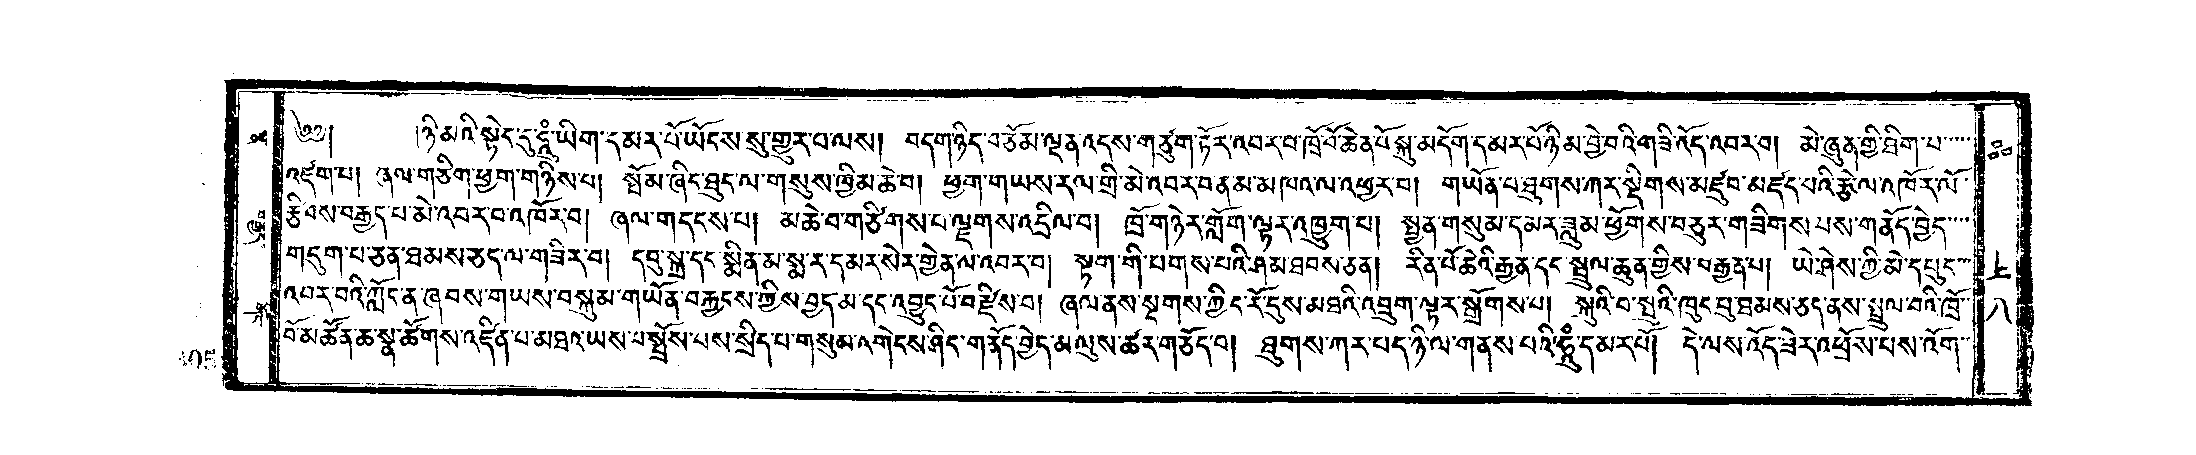༄༅། །ཉི་མའི་སྟེང་དུ་ཧཱུཾ་ཡིག་དམར་པོ་ཡོངས་སུ་གྱུར་པ་ལས། བདག་ཉིད་བཅོམ་ལྡན་འདས་གཙུག་ཏོར་འབར་བ་ཁྲོ་བོ་ཆེན་པོ་སྐུ་མདོག་དམར་པོ་ཉི་མ་བྱེ་བའི་གཟི་འོད་འབར་བ། མེ་ཞུན་གྱི་ཐིག་པ་
འཛག་པ། ཞལ་གཅིག་ཕྱག་གཉིས་པ། སྤོམ་ཞིང་ཐུང་ལ་གསུས་ཁྱིམ་ཆེ་བ། ཕྱག་གཡས་རལ་གྲི་མེ་འབར་བ་ནམ་མཁའ་ལ་འཕྱར་བ། གཡོན་པ་ཐུགས་ཀར་སྡིགས་མཛུབ་མཛད་པའི་རྩེ་ལ་འཁོར་ལོ་
རྩིབས་བརྒྱད་པ་མེ་འབར་བ་འཁོར་བ། ཞལ་གདངས་པ། མཆེ་བ་གཙིགས་པ་ལྗགས་འདྲིལ་བ། ཁྲོ་གཉེར་གློག་ལྟར་འཁྱུག་པ། སྤྱན་གསུམ་དམར་ཟླུམ་ཕྱོགས་བཅུར་གཟིགས་པས་གནོད་བྱེད་
གདུག་པ་ཅན་ཐམས་ཅད་ལ་གཟིར་བ། དབུ་སྐྲ་དང་སྨིན་མ་སྨ་ར་དམར་སེར་གྱེན་ལ་འབར་བ། སྟག་གི་པགས་པའི་ཤམ་ཐབས་ཅན། རིན་པོ་ཆེའི་རྒྱན་དང་སྦྲུལ་ཆུན་གྱིས་བརྒྱན་པ། ཡེ་ཤེས་ཀྱི་མེ་དཔུང་
འབར་བའི་ཀློང་ན་ཞབས་གཡས་བསྐུམ་གཡོན་བརྐྱངས་ཀྱིས་བྱད་མ་དང་འབྱུང་པོ་བརྫིས་བ། ཞལ་ནས་སྔགས་ཀྱི་ང་རོ་དུས་མཐའི་འབྲུག་ལྟར་སྒྲོགས་པ། སྐུའི་བ་སྤུའི་ཁུང་པུ་ཐམས་ཅད་ནས་སྤྲུལ་བའི་ཁྲོ་
བོ་མཚོན་ཆ་སྣ་ཚོགས་འཛིན་པ་མཐའ་ཡས་པ་སྤྲོས་པས་སྲིད་པ་གསུམ་འགེངས་ཤིང་གནོད་བྱེད་མ་ལུས་ཚར་གཅོད་པ། ཐུགས་ཀར་པད་ཉི་ལ་གནས་པའི་ཧཱུཾ་དམར་པོ། དེ་ལས་འོད་ཟེར་འཕྲོས་པས་འོག་